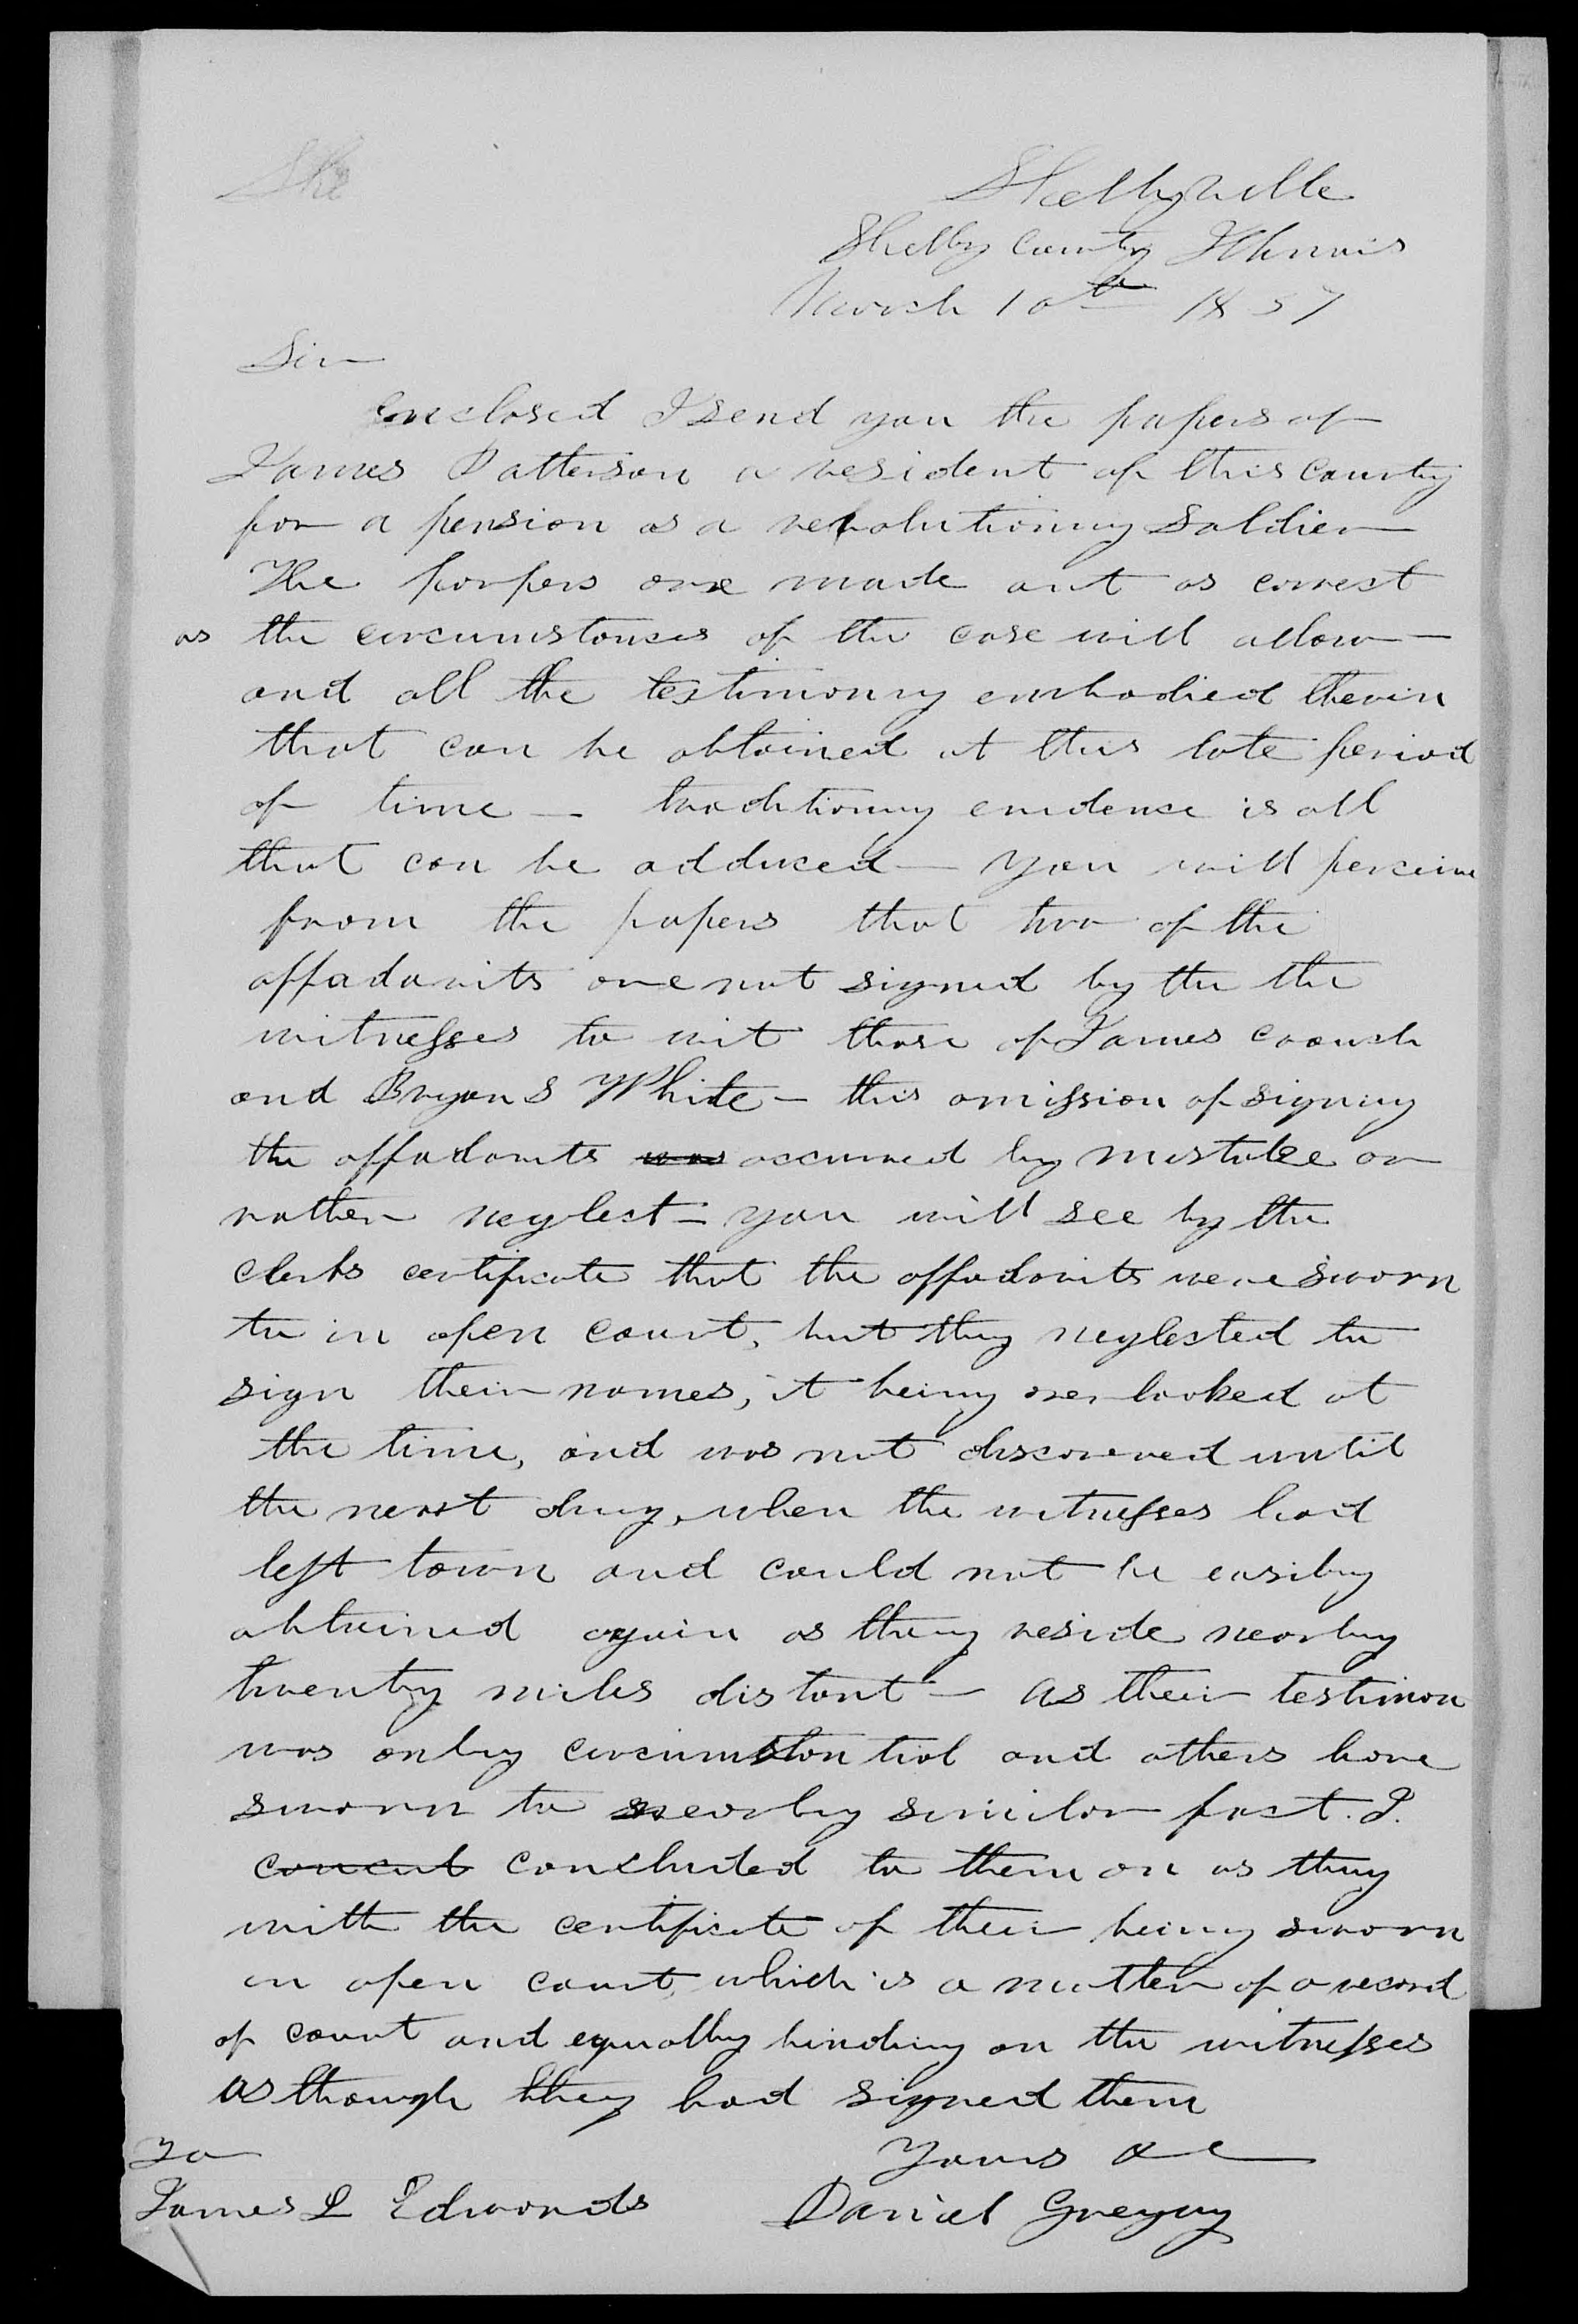Shelbyville
Shelby County Illinois
March 10th 1857
Sir
Enclosed I send you the papers of James Patterson a resident of this County for a pension as a revolutionary soldier The papers and made out as correct as the circumstances of the case will allow - and all the testimony embodied therein that can be obtained at this late period of time- traditionary evidence is all that can be adduced-- you will perceive from the papers that two of the affadavits one not signed by the the witnesses to wit those of James Couch and Bryan S White - this omission of signing the affidavits occured by mistake or rather neglect-- you will see by the Clerks certificate that the affidavits were sworn to in open court, but they neglected to sign their names, it being overlooked at the time, and was not discovered until the next day when the witnesses had left town and could not be easily obtained again as they reside nearly twenty miles distant - as their testimon was only circumstantial and others have Sworn to nearly similar fact. I concluded to them on as they with the certificate of their being sworn in open court, which is a matter of a record of Court and equally binding on the witnesses as though they had signed them 
[illegible Za]
James L Edwards 
Yours [illegible &c]
Daniel Gregery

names: James Patterson; James Crouch; Daniel Gregery; James L Edwards; Bryan S White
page: 51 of 69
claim: widow's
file: W. 10861, for James Patterson, North Carolina